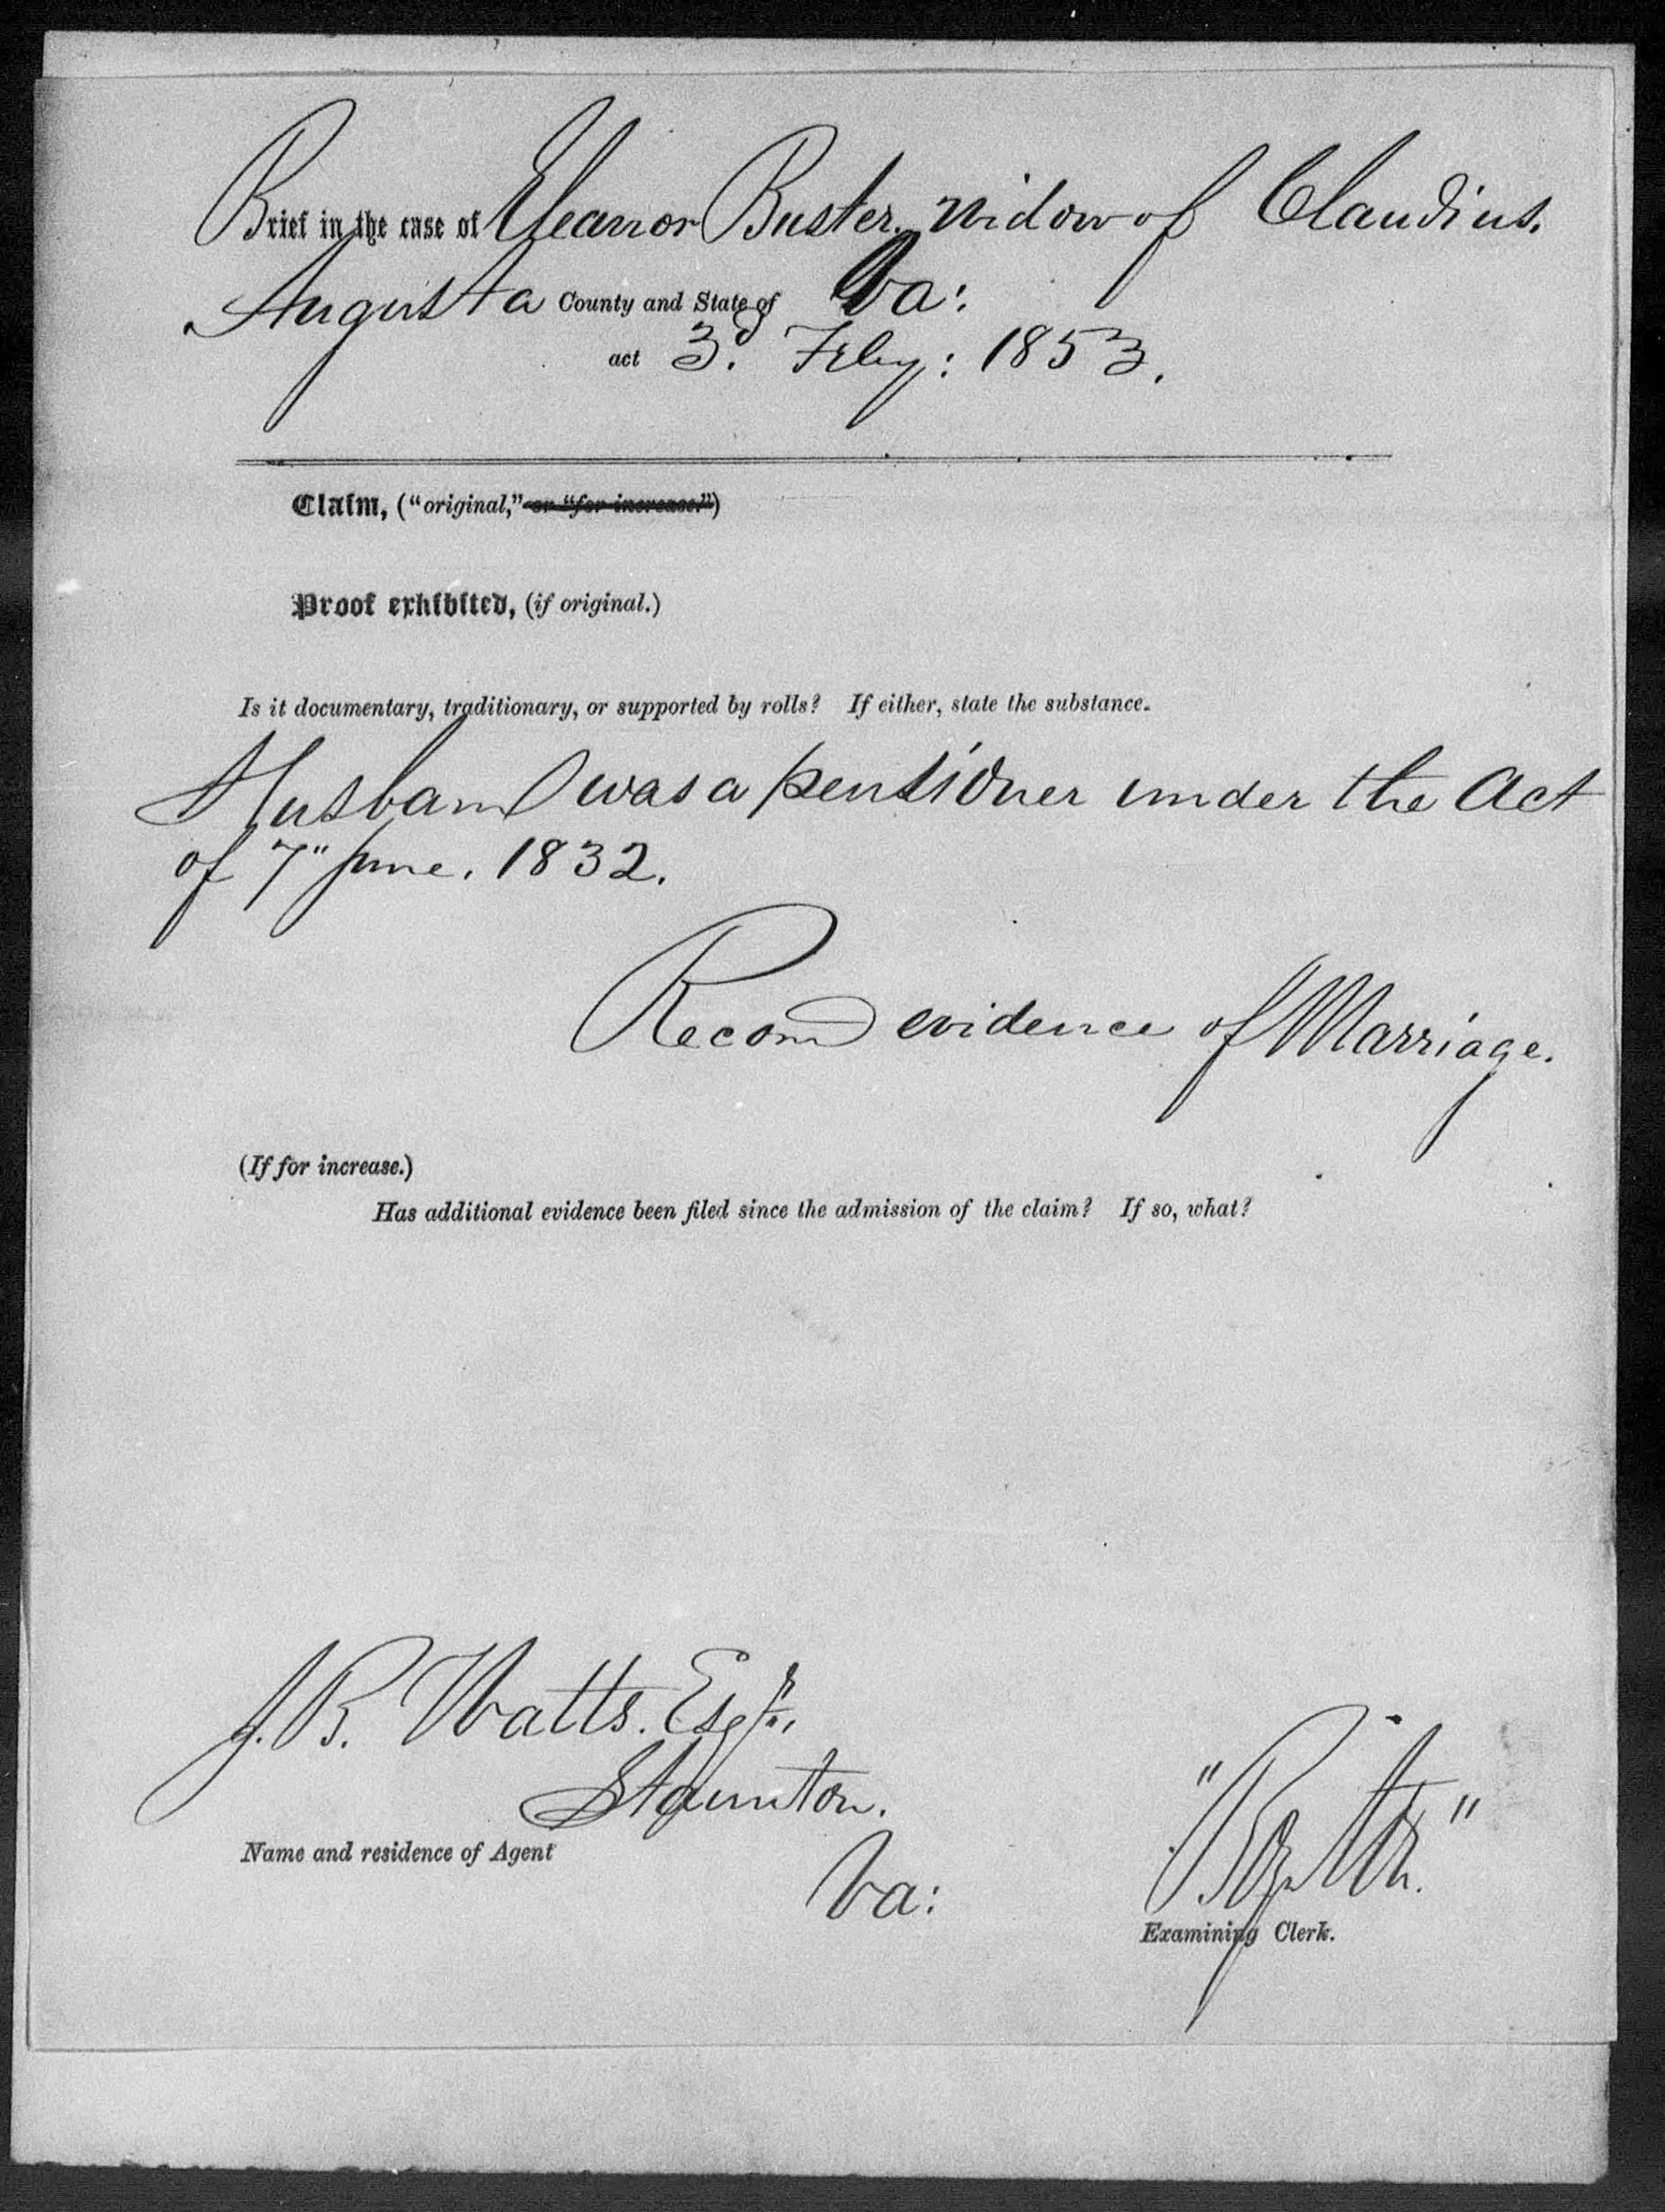BRIEF in the case of Eleanor Buster widow of Claudius.
Augusta County and State of Va:
act 3d Feby: 1853.

Claim, ("original,")

Proof exhibited, (if original.)

Is it documentary, traditionary, or supported by rolls? If either, state the substance.
Husband was a pensioner under the Act of 7" June, 1832.
Record evidence of Marriage.

(If for increase.)
Has additional evidence been filed since the admission of the claim? If so, what?
[blank]

J. B. Watts. Esqr
Staunton, Va:
Name and residence of Agent

"Boynton"
Examining Clerk.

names: Eleanor Buster, Boynton, Claudius Buster, J B Watts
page: 35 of 71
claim: widow's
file: W. 25310, Claudius Buster, Va.